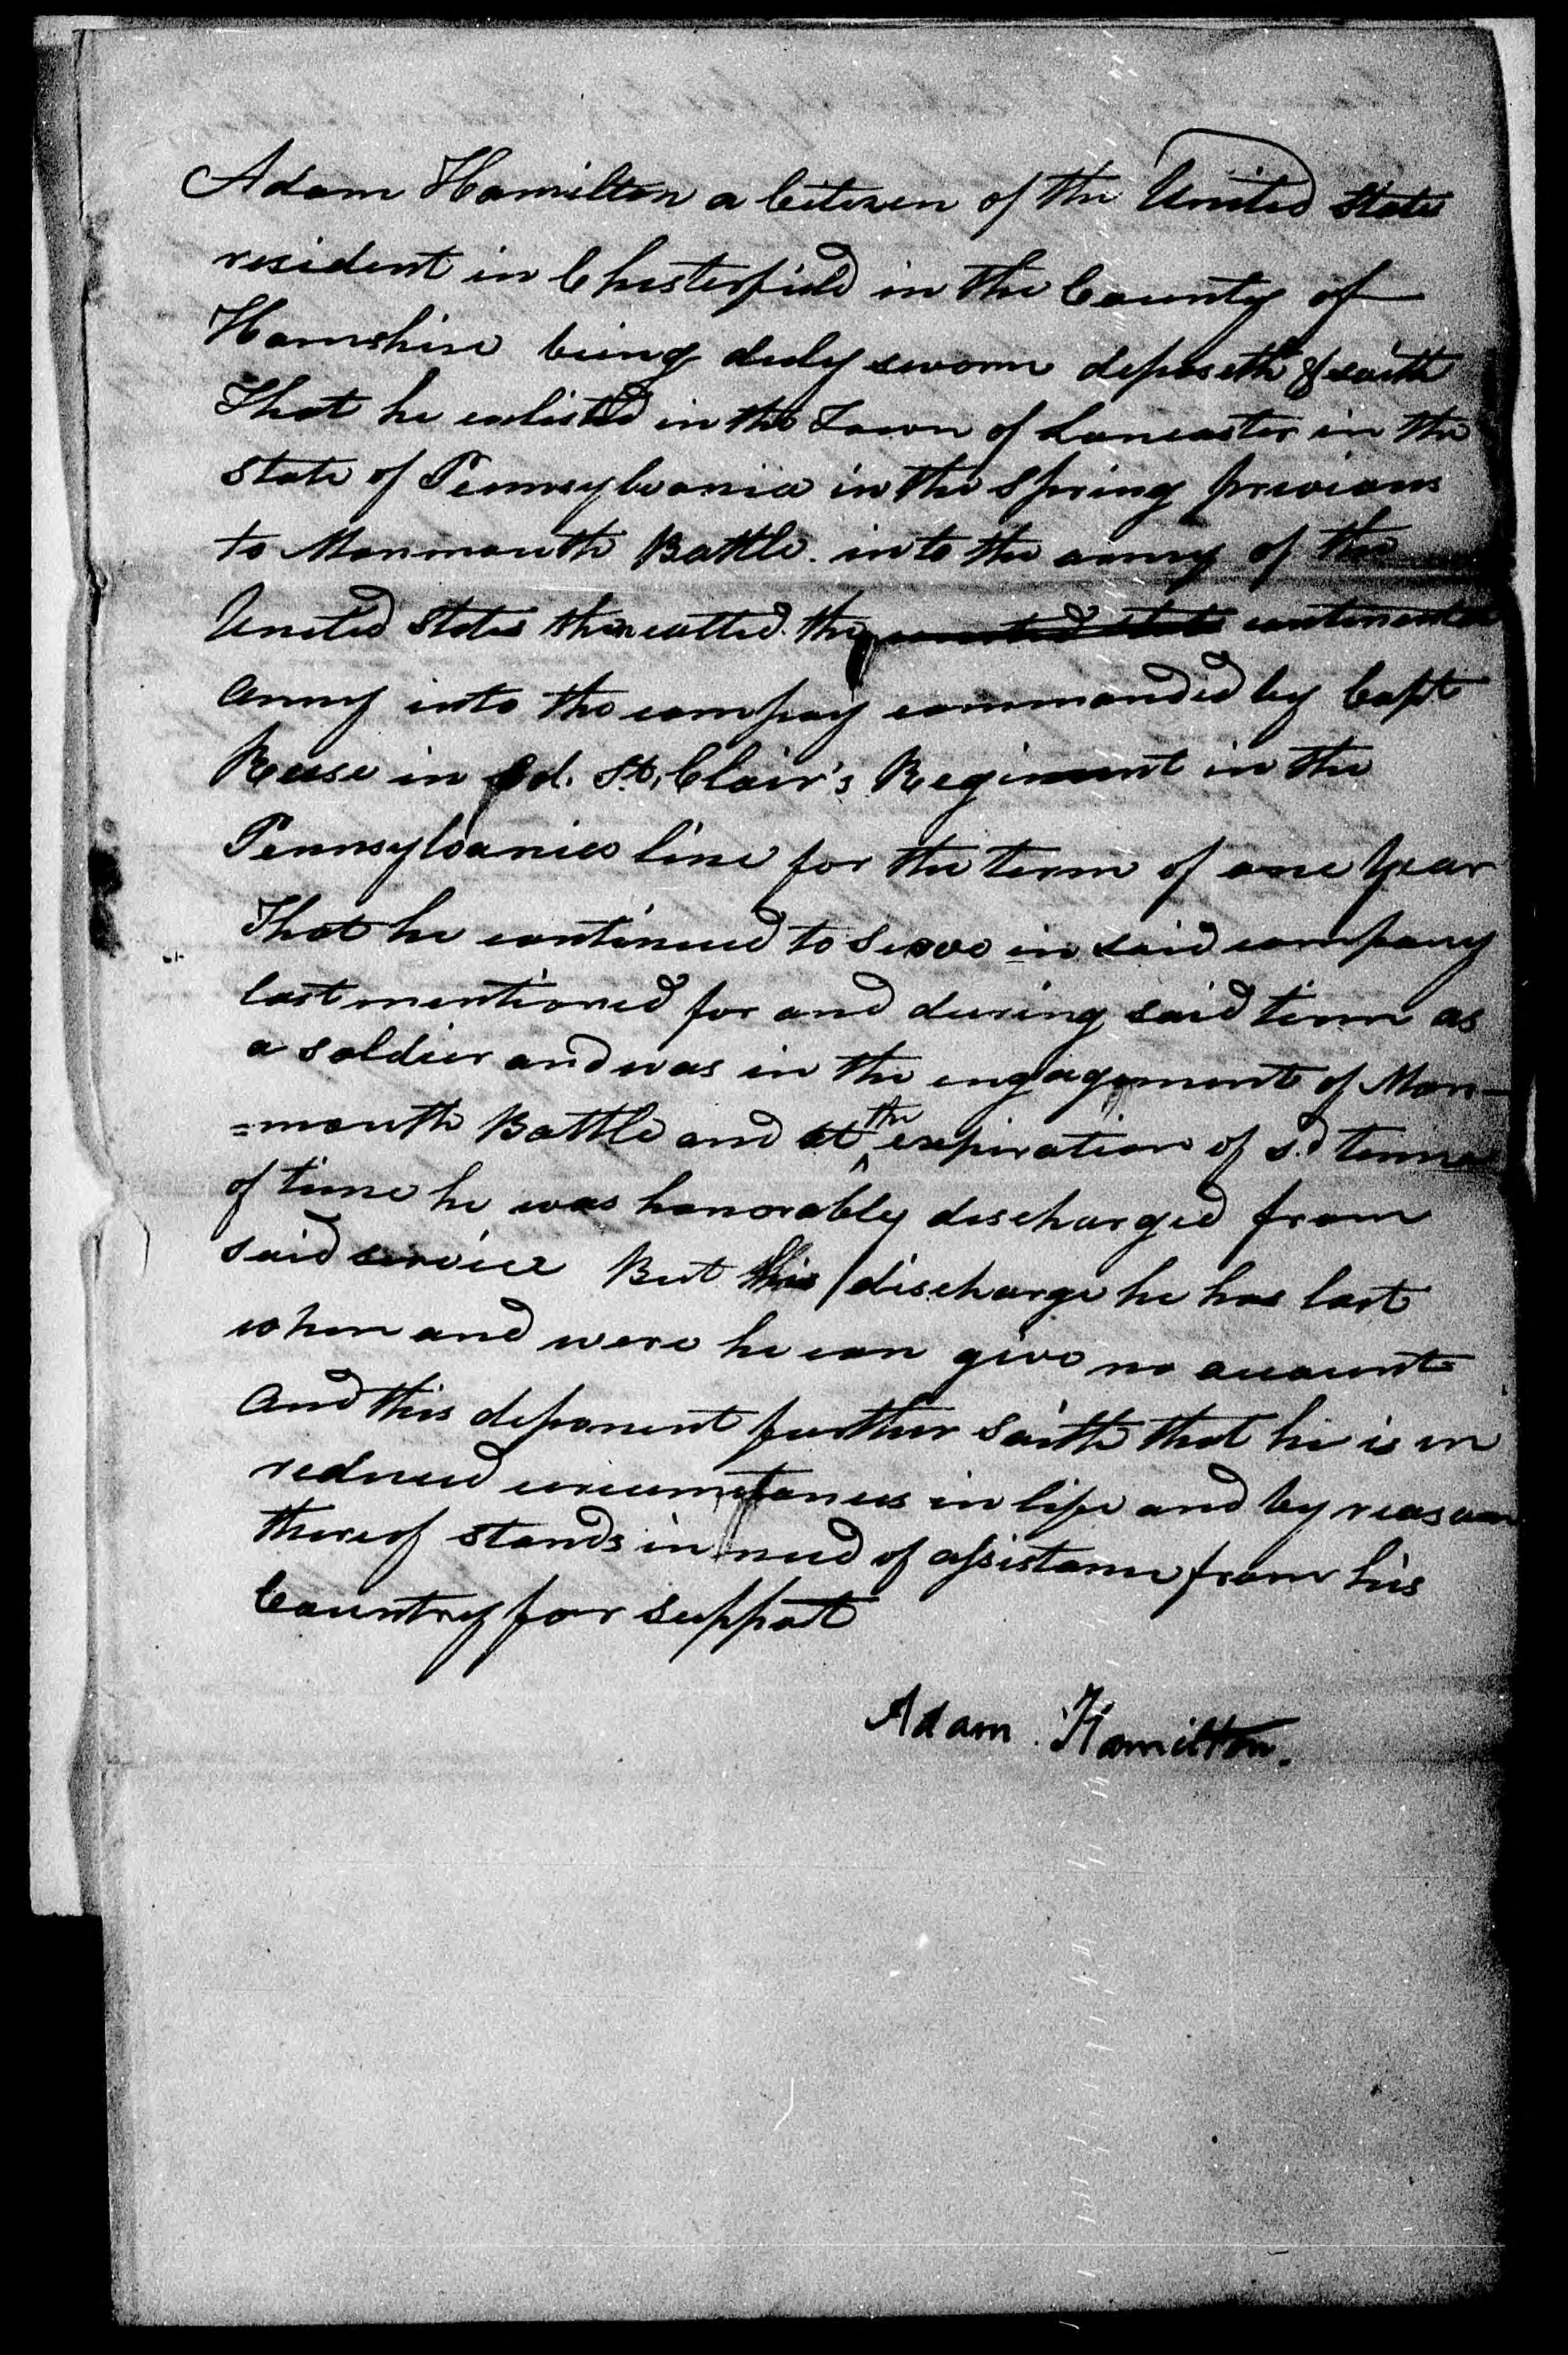Adam Hamilton a citizen of the United States, resident in Chesterfield in the county of Hamshire, being duly sworn deposeth & saith that he enlisted in the town of Lancaster in the State of Pennsylvania in the spring previous to Monmouth battle in the army of the United States then called the Continental Army into the company commanded by Capt. Reese in Col. StClair's Regiment in the Pennsylvania Line for the term of one year. That he continued to serve in said company last mentioned for and during said term as a soldier and was in the engagements of Monmouth Battle and at the expiration of said term of service he was honorably discharged from said service but his discharge he has lost so how and where he was given no accounts.  And this deponent further saith that he is in reduced circumstances in life and by reason thereof stands in need of assistance from his country for support. 

                                           //s//
                               Adam Hamilton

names: Ruse, Adam Hamilton, Adam Hamilton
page: 5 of 12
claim: survivor's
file: S. 32796, Adam Hamilton, Penn.